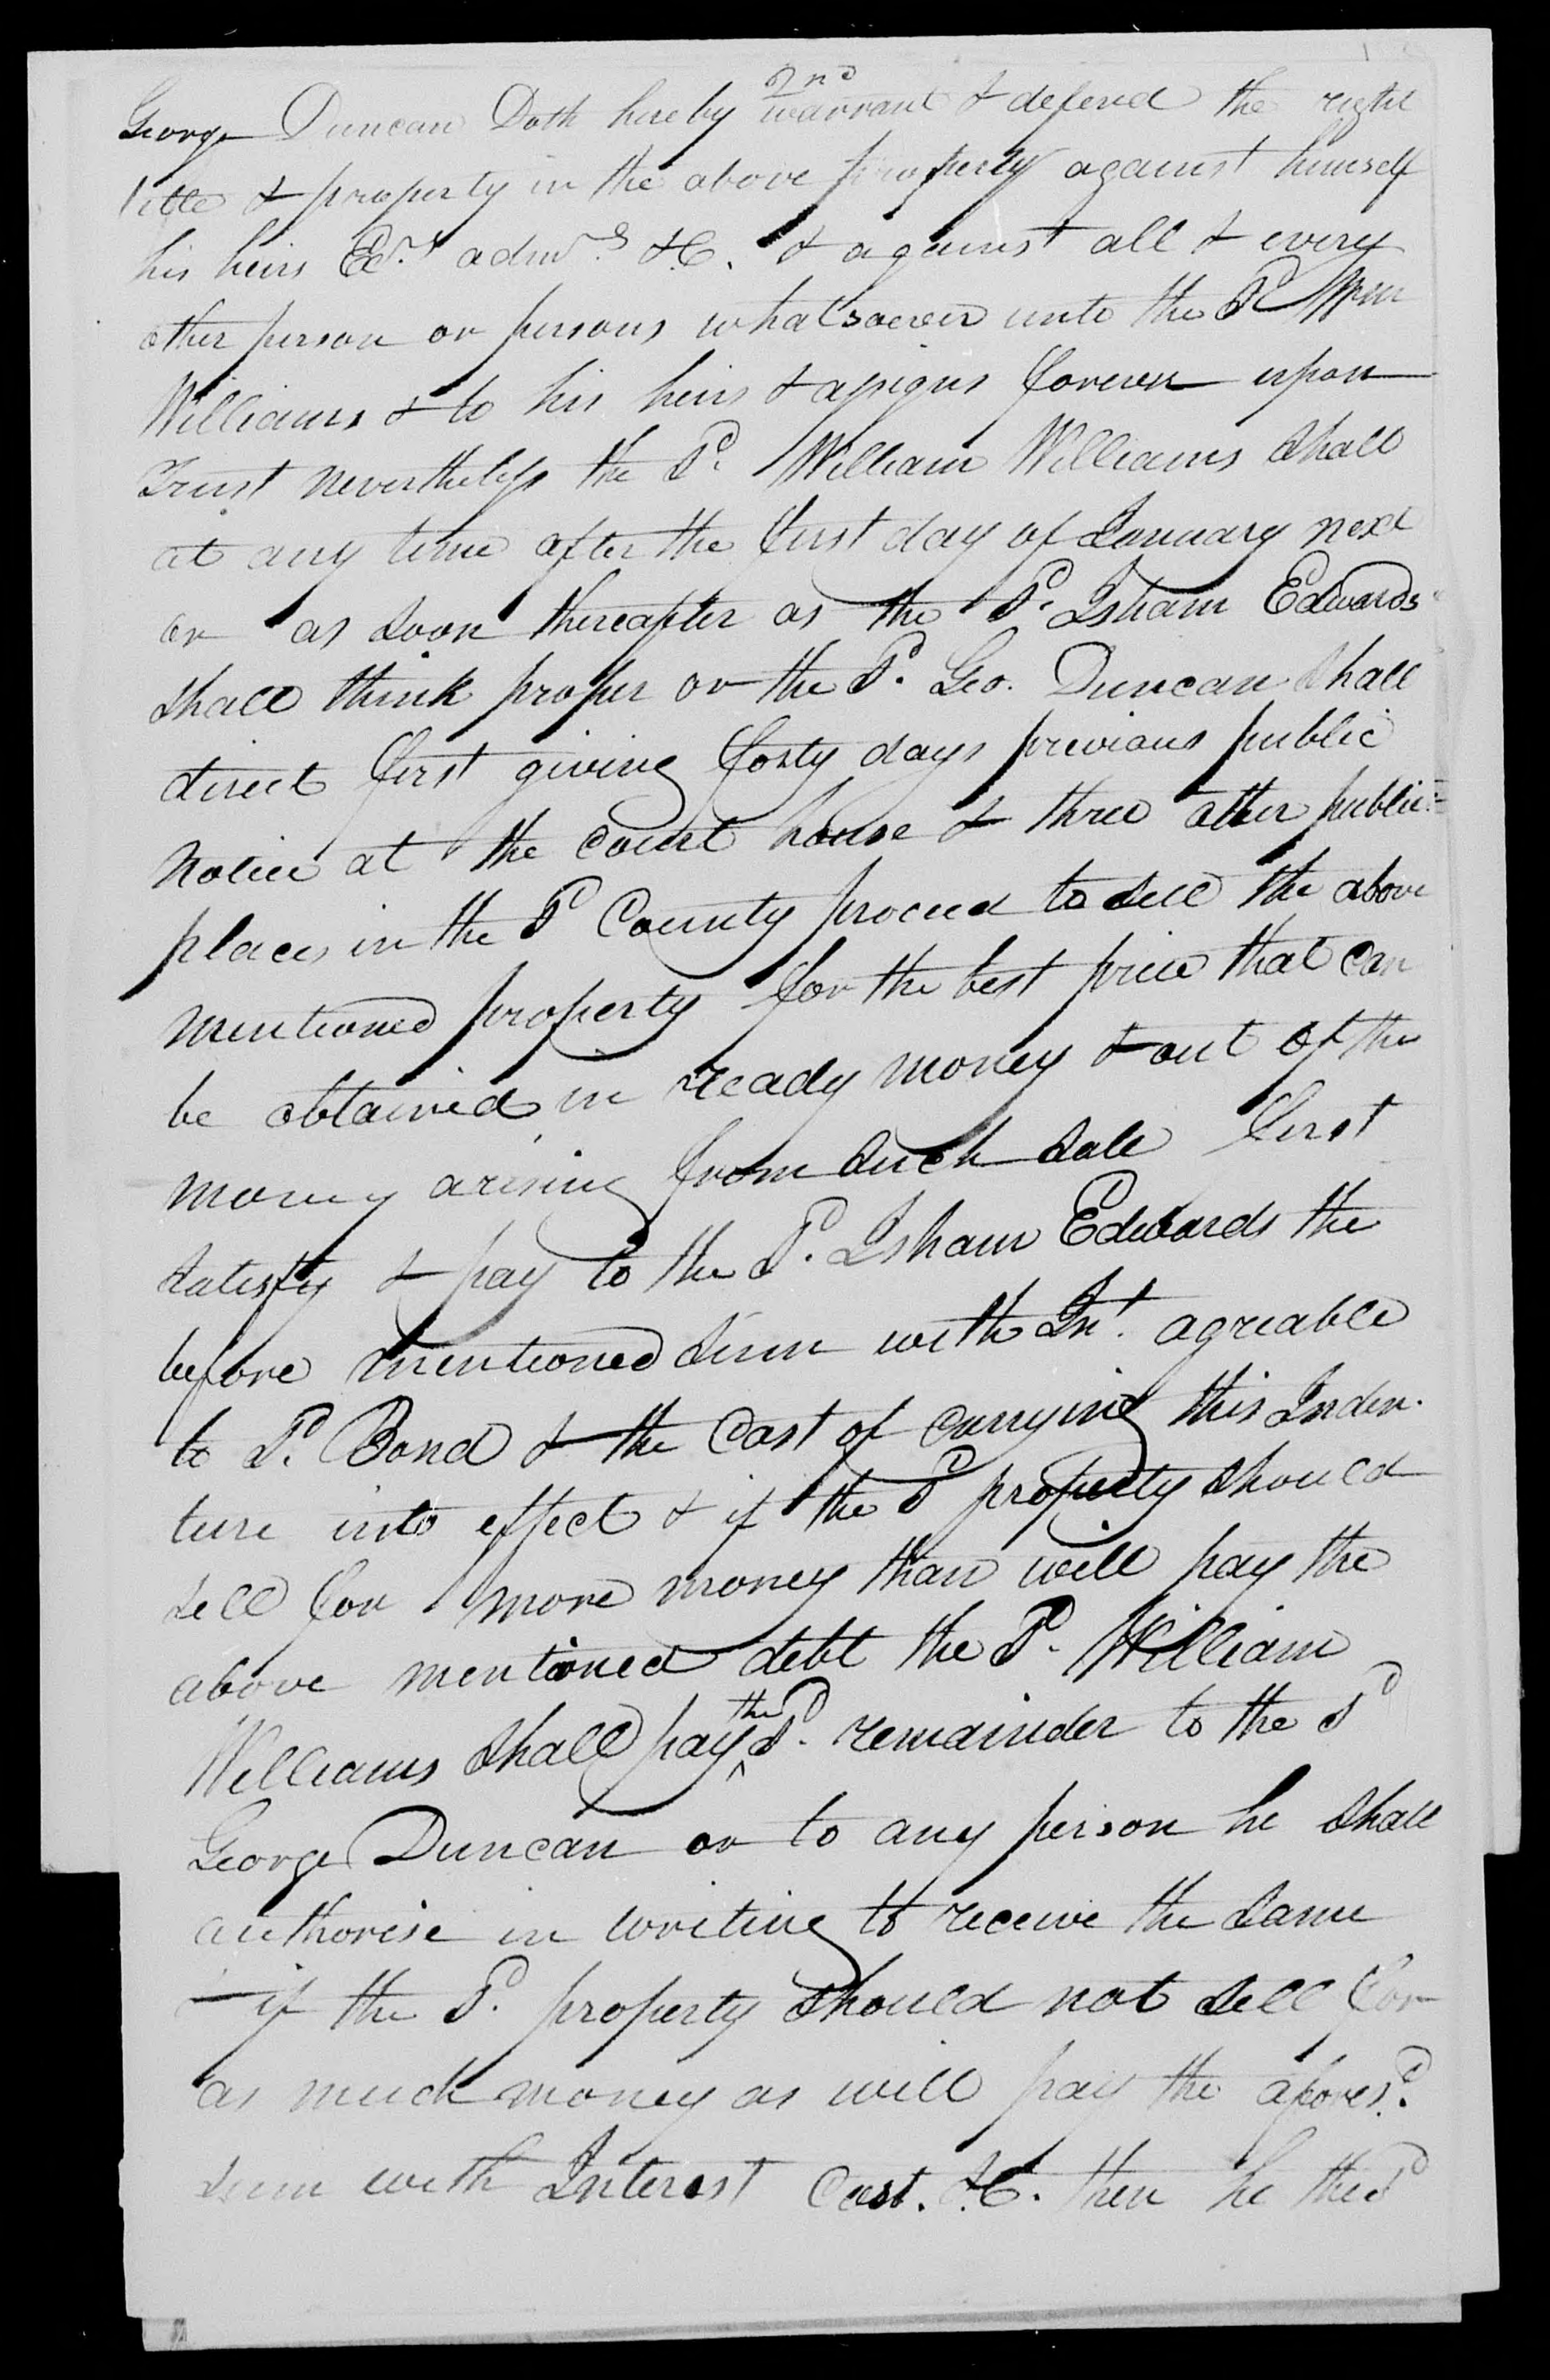2nd
George Duncan Doth hereby warrant & defend the right
title & property in the above property against himself
his heirs Edw. and mrs. J.C. & against all & every
other person or persons whatsoever unto the sd Wm
Williams & to his heirs & assigns forever upon
Trust nevertheless the sd William Williams Shall
at any time after the first day of January next
or as soon thereafter as the sd. Isham Edwards
shall think proper or the sd Geo. Duncan Shall
direct first giving forty days previous public
notice at the court house & three other public
places in the sd County proceed to sell the above
mentioned property for the best price that can be
obtained in ready money & out of this
money arising from such sale first
satisfy & pay
to the Sd Isham Edwards the
before mentioned sum with Int. agreable
to sd. Bond & the cost of carrying this Indenture into effect & if the sd property should
sell for more
money than will pay the
above mentioned debt the sd William Williams 
shall pay the sd remainder to the sd George Duncan or to any person he shall authorise in writing to receive the same if the sd property should not sell for as much money as will pay the afore sd. sum with Interest cost sd. then he  the sd
Williams shall pay the remainder to the
George Duncan or to any person he shall
authorise in writing to receive the same
if the Sd property should not sell or
my
will at the end
as man money as will pay the one
sum with Interest Cost. . there he this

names: Isham Edwards, Geo Duncan, William Williams, George Duncan, George Duncan, Isham Edwards, Wm Williams, William Williams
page: 34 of 49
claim: survivor's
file: S. 41513, George Duncan, N.C.